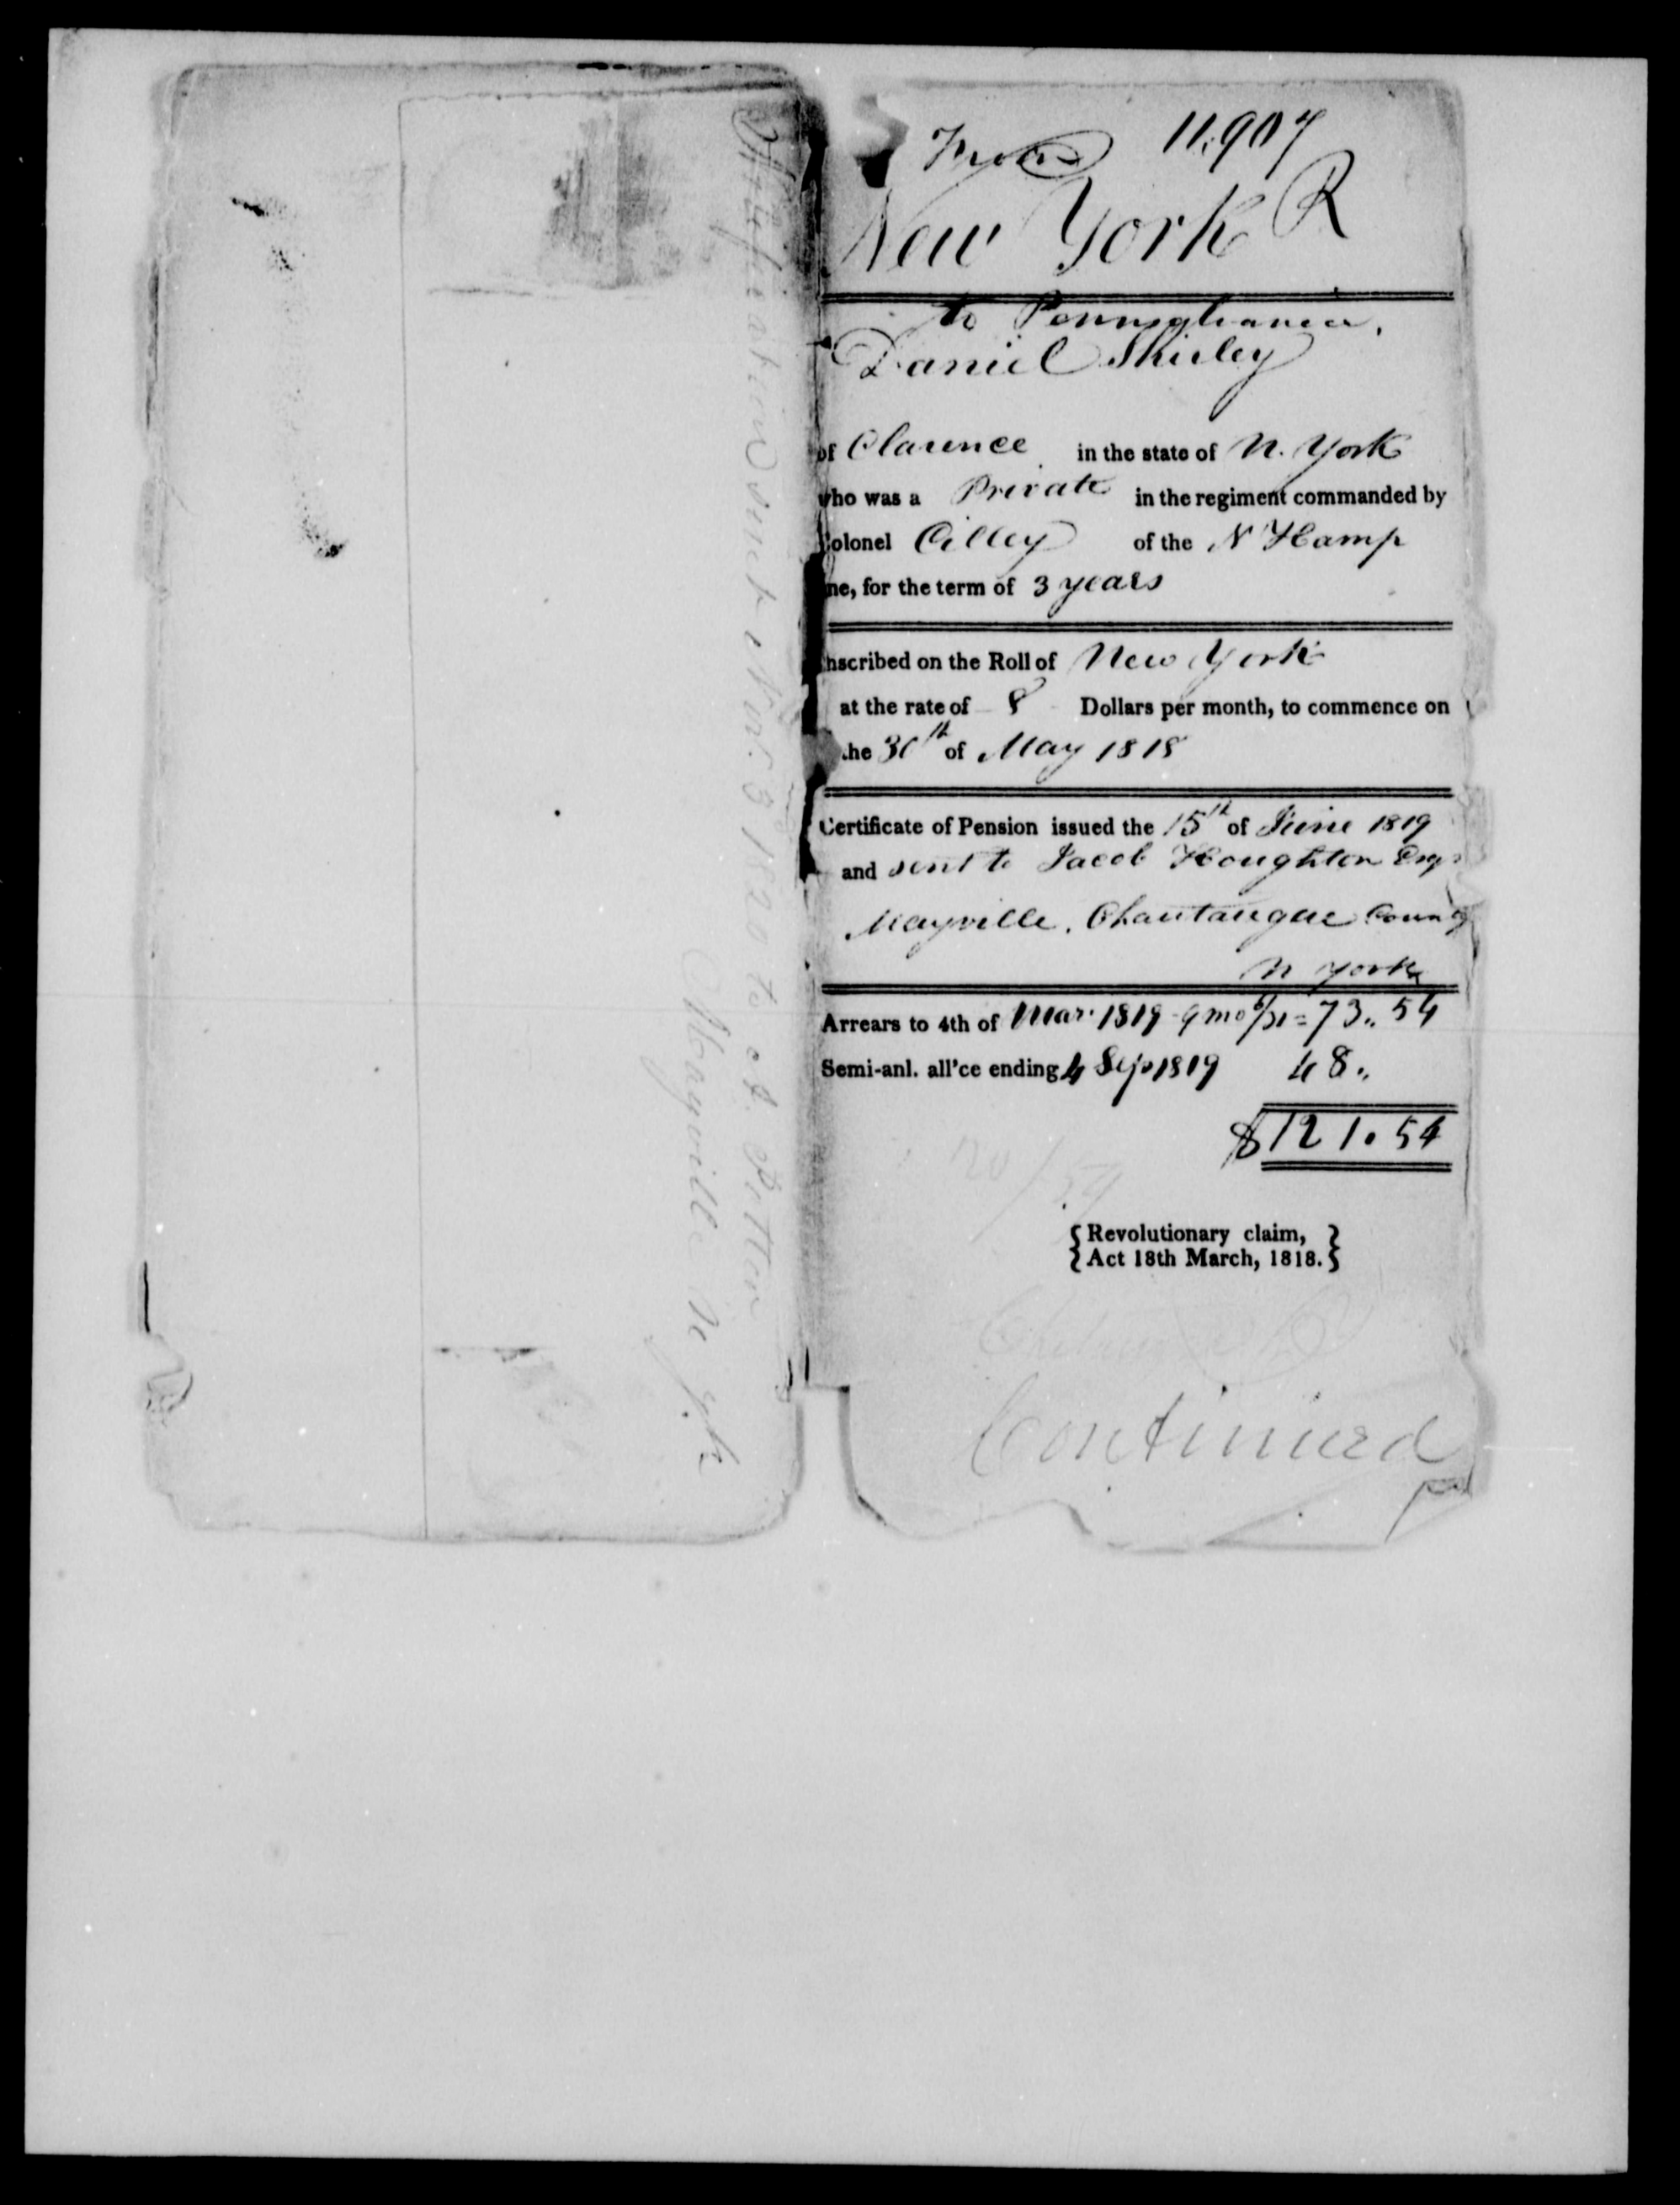[left side of page]

Notification sent Nov 3d 1820 to A. Potter
Mayville N. York

[right side of page]
priv--  11,907
New York   R
=========================
to Pennsylvania.
Daniel Shirley
of Clarence in the state of N. York
who was a Private in the regiment commanded by Colonel Cilley of the N Hamp
line, for the term of 3 years
=========================
Inscribed on the Roll of New York
at the rate of 8 Dollars per month, to commence on the 30th of May 1818
=========================
Certificate of Pension issued the 15th of June 1819 and sent to Jacob Houghton Esqr.
Mayville, Chautauque County
N York
=========================
Arrears to 4th of Mar. 1819 9 mo 6/21=73.54
Semi-anl. all'ce ending 4 Sep 1819         48.
..............................................................................=====...............................................................................$121.54
.............................................................................======
(Revolutionary claim,     )
(Act 18th March, 1818.  )

Continued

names: Daniel Shirley; Jacob Houghton; A Potter; [BLANK] Cilley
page: 2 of 20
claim: survivor's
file: S. 40412, for Daniel Shirley, New Hampshire